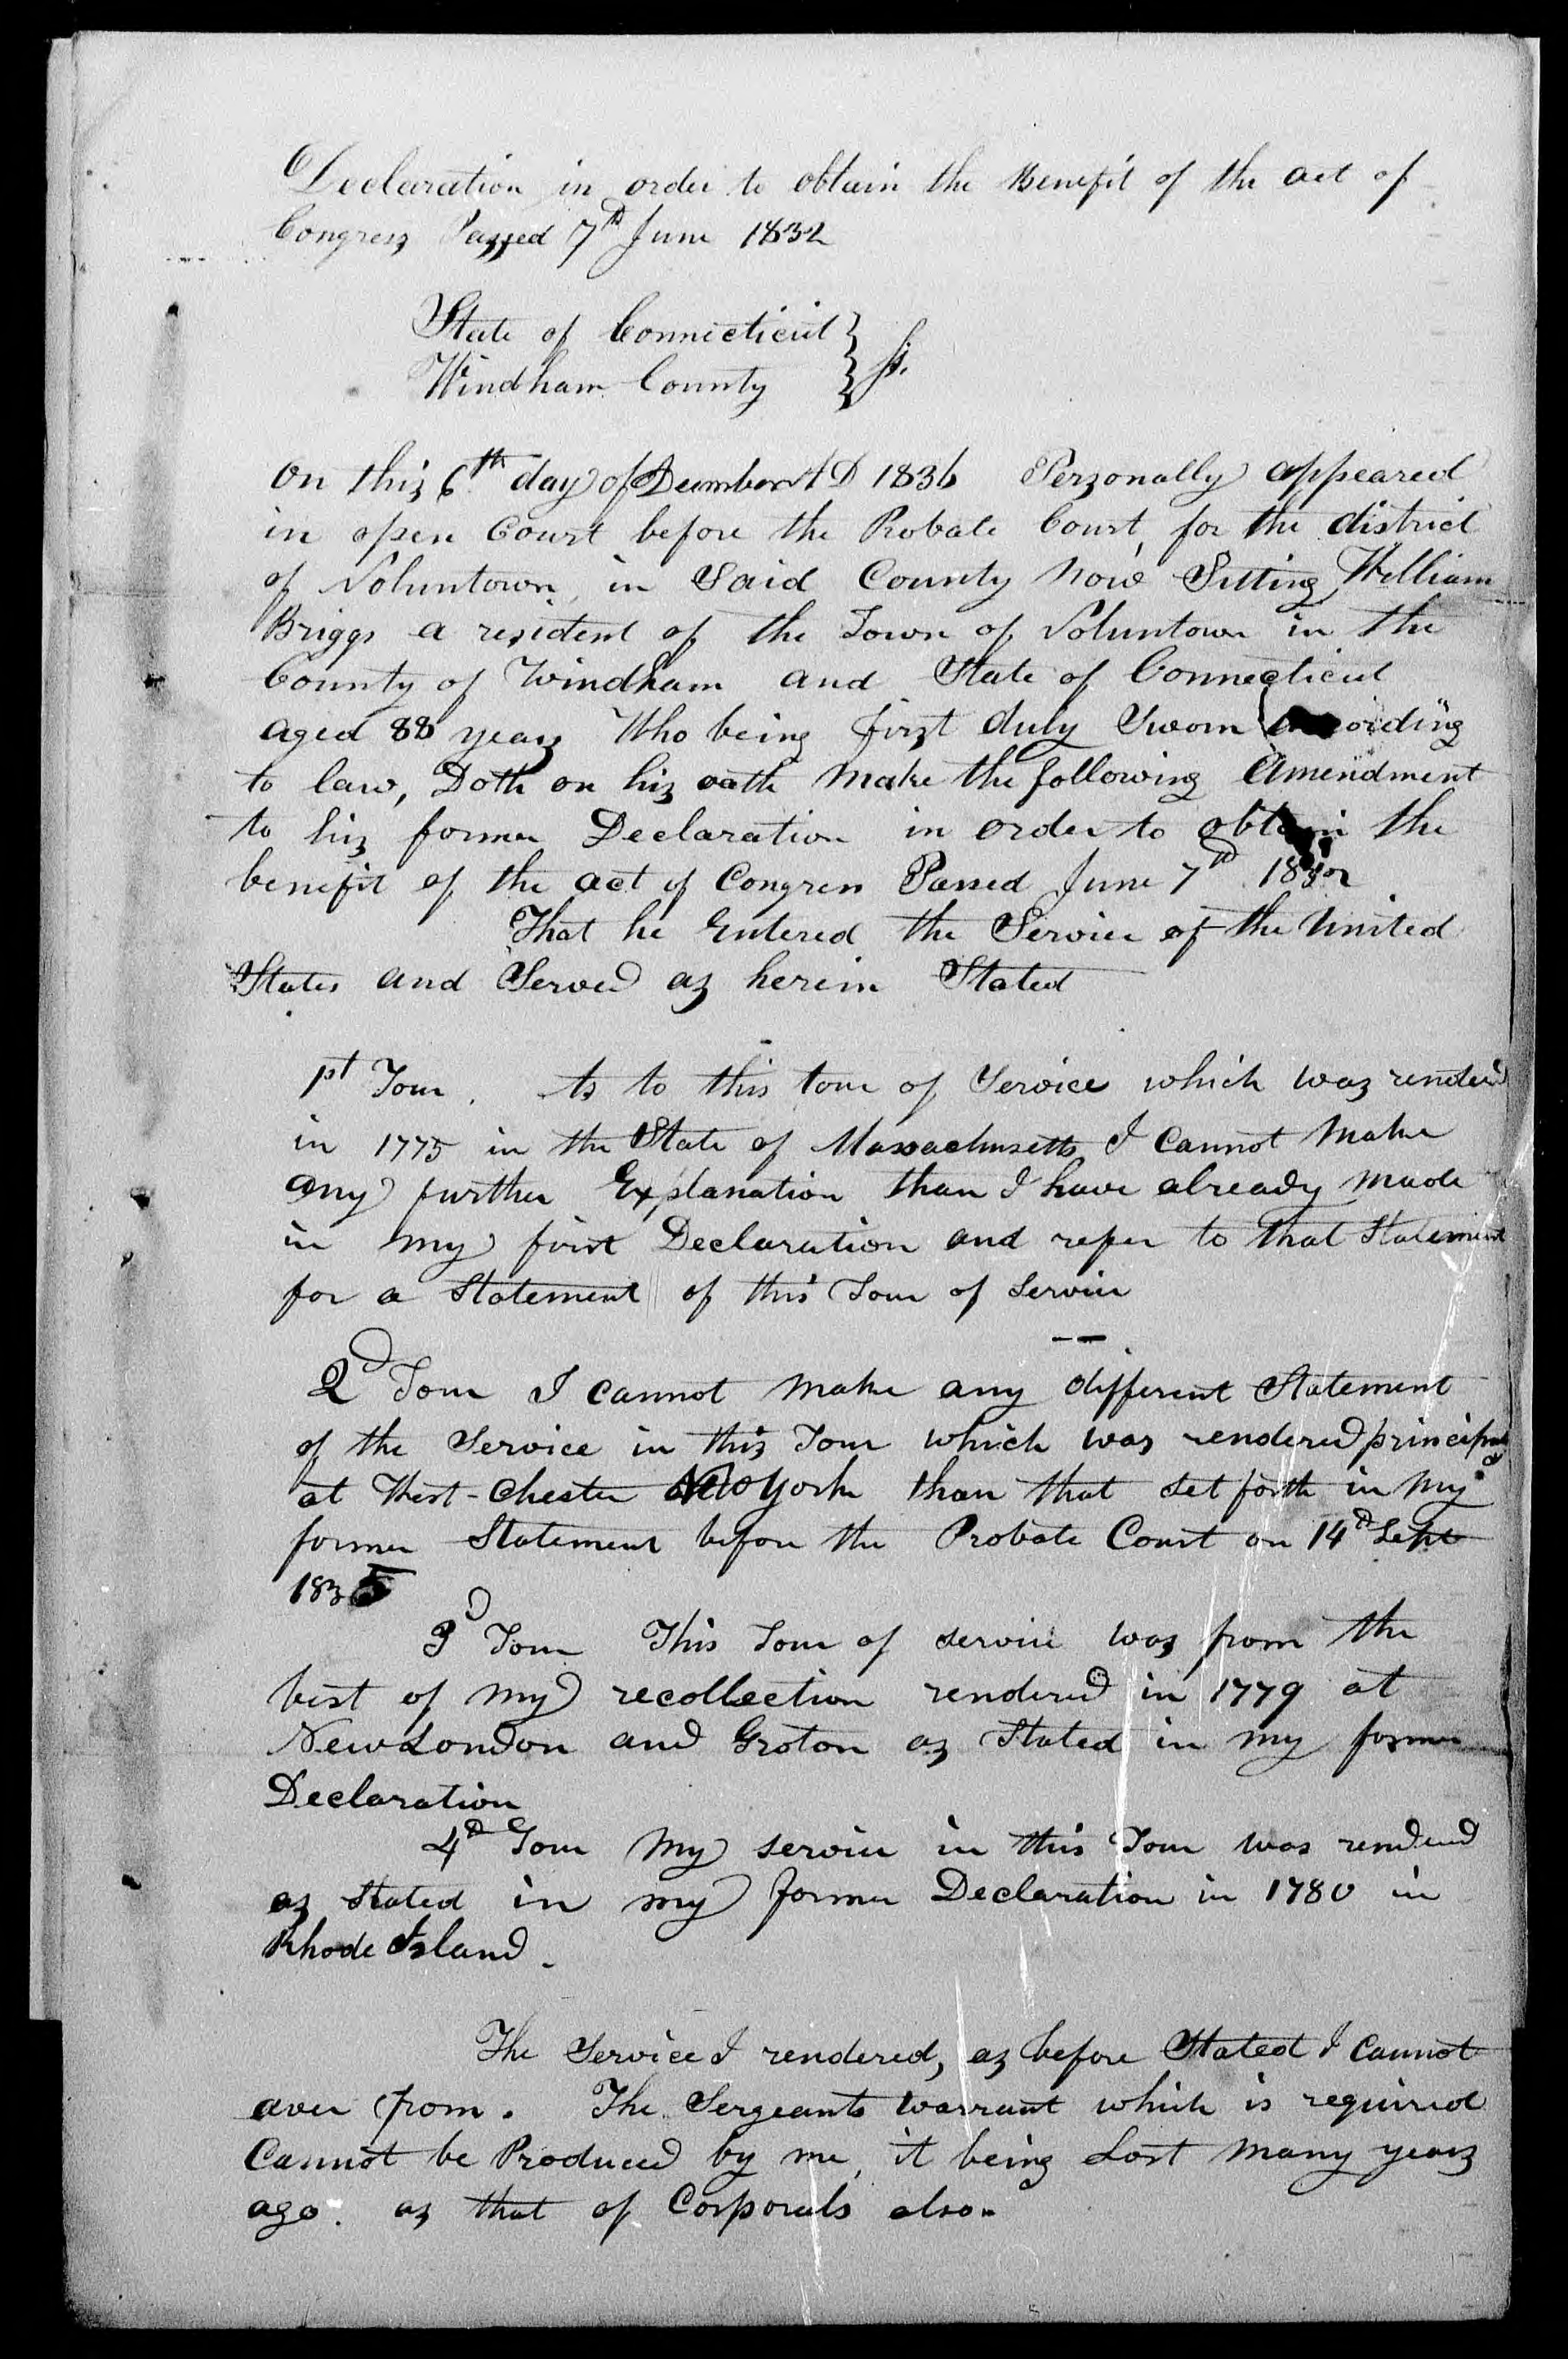Declaration in order to obtain the benefit of the act of Congress Passed 7th June 1832

State of Connecticut}
Windham County}  Js

On this 6th day of December A.D. 1836 Personally appeared in open Court before the Probate Court, for the district of Voluntown in Said County now sitting William Briggs a resident of the town of Voluntown in the County of WIndham and State of Connecticut aged 88 years who being first duly sworn according to law, doth on his oath make the following Amendment to his former Declaration in order to obtain the benefit of the act of Congress passed June 7, 1832

That he entered the service of the United States and served as herein stated

1st Tour. As to this tour of service which was entered in 1775 in the State of Massachusetts I cannot make any further explanation than I have already made in my first Declaration and refer to that statement for a statement of this Tour of Service.
2nd Tour  I cannot make any different Statement of the Service of this Tour which was entered principally at the West-Chester New Yor, than that set forth in my former statement  before the Probate Court on 14th Sept 1835.
3rd Tour  This tour of service was from the best of my recollection entered in 1779 at New London and Groton as states in my former Declaration
4th Tour  My service in this Tour was entered as stated in my former Declation in 1780  in Rhode Island.

The service I rendered, as before stated I cannot aver from. The Sergeants warrant which is required cannot be produced by me, it being lost many years ago, as that of Corporal's also.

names: William Briggs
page: 25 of 37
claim: survivor's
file: S. 12,281, William Briggs, Conn.